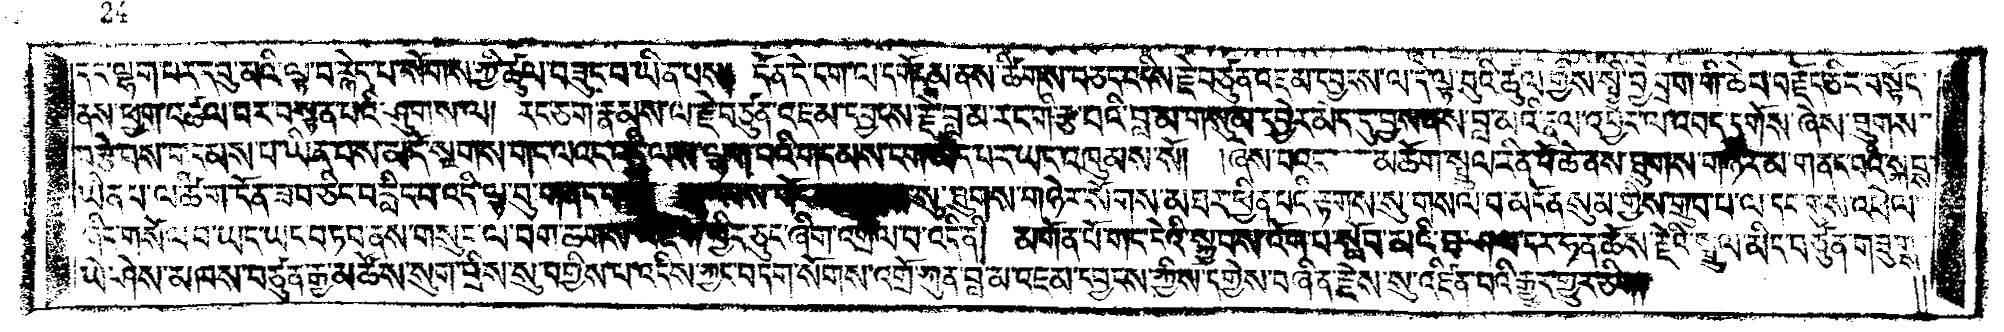དང་ལྷག་པར་དབུ་མའི་ལྟ་བ་རྙེད་པ་སོགས་ཀྱི་ཚུལ་བཟུང་བ་ཡིན་པས། དོན་དེ་དག་ལ་དགོངས་མས་ཚིག་བཅད་འདིས་རྗེ་བཙུན་འཇམ་དབྱངས་ལ་དེ་ལྟ་བུའི་ཚུལ་གྱིས་སྤྱི་བྱེ་བྲག་གི་ཆེ་བ་བརྗོད་ཅིང་བསྟོད་
ནས་ཕྱག་འཚལ་བར་བསྟན་པའི་ཤུགས་ལ། རང་ཅག་རྣམས་ལ་རྗེ་བཙུན་འཇམ་དབྱངས་རྗེ་བླ་མ་རང་གི་རྩ་བའི་བླ་མ་གསུམ་དབྱེར་མེད་དུ་བྱས་ནས་བླ་མའི་རྣལ་འབྱོར་ལ་འབད་དགོས་ཞེས་ཐུགས་
བརྩེ་བས་གདམས་པ་ཡིན་པས་མདོ་སྔགས་གང་ལའང་འདི་ལས་ལྷག་པའི་གདམས་ངག་མེད་པར་ཡང་འཁུམས་སོ། །ཞེས་པའང་མཆོག་སྤྲུལ་རིན་པོ་ཆེ་ནས་ཐུགས་གཉེར་མ་གནང་བའི་སྐབས་
ཡིན་པ་ལ་ཚིག་དོན་ཟབ་ཅིང་བརླིང་བ་འདི་ལྟ་བུ་གནང་བ་ནི། སྐུ་རབས་གོང་མ་རྣམས་སུ་ཐུགས་གཉེར་སོགས་མཐར་ཕྱིན་པའི་རྟགས་སུ་གསལ་བ་མངོན་སུམ་གྱིས་གྲུབ་པ་ལ་དད་གུས་འཕེལ་
ཞིང་གསོལ་བ་ཡང་ཡང་བཏབ་ནས་གསུང་ལ་བག་ཆགས་འཇོག་ཕྱིར་ཅུང་ཞིག་འགྲེལ་བ་འདི་ནི། མགོན་པོ་གང་དེའི་སྐྱབས་འོག་པ་སློབ་མའི་ཐ་ཤལ་དར་ཧན་ཆོས་རྗེའི་སྤྲུལ་མིང་བཙུན་གཟུགས་
ཡེ་ཤེས་མཁས་བཙུན་རྒྱ་མཚོས་སུག་བྲིས་སུ་བགྱིས་པ་འདིས་ཀྱང་བདག་སོགས་འགྲོ་ཀུན་བླ་མ་འཇམ་དབྱངས་ཀྱིས་དགྱེས་བཞིན་རྗེས་སུ་འཛིན་པའི་རྒྱུར་གྱུར་ཅིག ། །